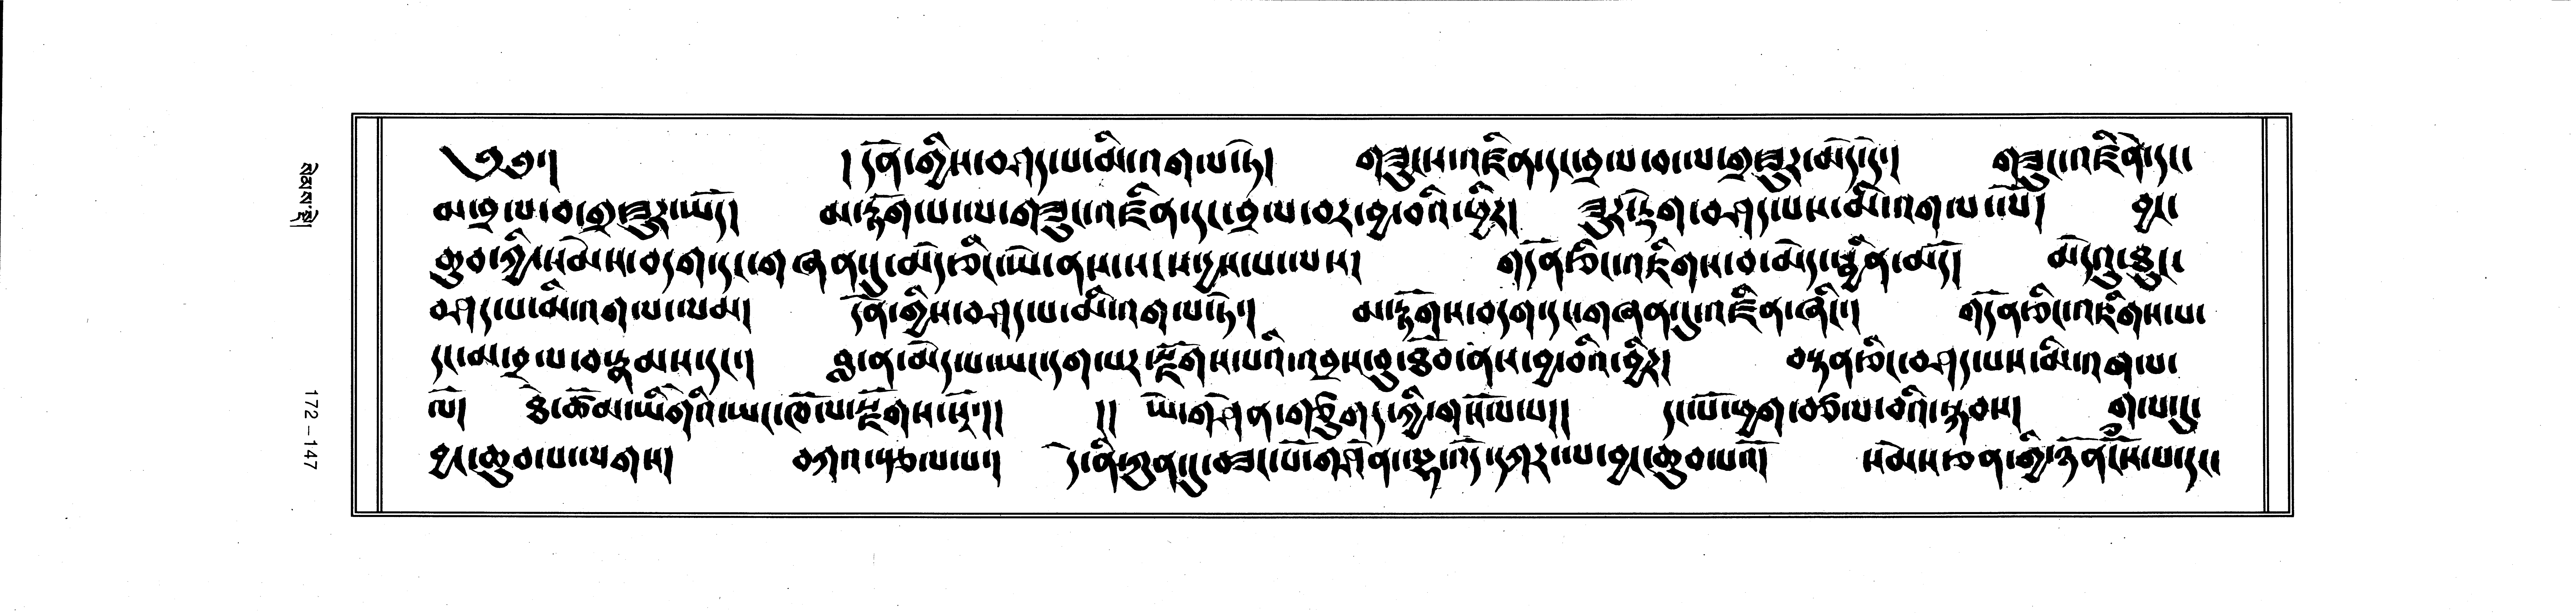དོན་གྱིས་བཤད་པ་མི་འགལ་ཏེ། གཟུངས་འཛིན་དང་བྲལ་བ་ལ་གྲ་ཟུར་མེད་དེ། གཟུངས་འཛིན་ཆེན་དང་
མ་བྲལ་བ་གྲ་ཟུར་ཡོད། མ་རྟོག་པ་ལ་གཟུངས་འཛིན་དང་བྲལ་བར་བྱ་བའི་ཕྱིར། ཟུར་རྡེག་བཤད་པས་མི་འགལ་ལོ། བྱང་
ཆུབ་ཀྱིས་སེམས་བདག་དང་གཞན་དུ་མེད་ཅིང་ཡེ་ནས་སངས་རྒྱས་པ་ལས། གདོན་ཅིང་འཇིགས་བ་མེད་སྦྱིན་མོད། མདེའུ་ཐུང་
བཤད་པ་མི་འགལ་ལམ། དོན་གྱིས་བཤད་པ་མི་འགལ་ཏེ། མ་རྟོགས་བདག་དང་གཞན་དུ་འཛིན་ཞིང་། གདོན་ཅིང་འཇིགས་པ་
དང་མ་བྲལ་བ་རྣམས་དང་། བླ་ན་མེད་པ་ཡང་དག་པར་རྫོགས་པའི་འབྲས་བུ་ཐོབ་ནས་བྱ་བའི་ཕྱིར། བསྟན་ཅིང་བཤད་པས་མི་འགལ་
ལོ། ཐེ་ཚོམ་ཡིག་གེའི་ཡང་ཁོལ་རྫོགས་སྭོ། ཡེ་གཤེན་གཙུག་ཕུད་ཀྱི་གསོལ་པ། དང་པོ་ཕྱག་བཙལ་བའི་སྐབས། གལ་དུ་
བྱང་ཆུབ་པ་ལགས། བཀའ་སྩལ་པ། དེ་ནི་ཀུན་དུ་བཟང་པོ་གཤེན་ལྷ་འོད་དཀར་ལ་བྱང་ཆུབ་པའོ། སེམས་ཅན་གྱི་ཉོན་མོངས་པ་དང་